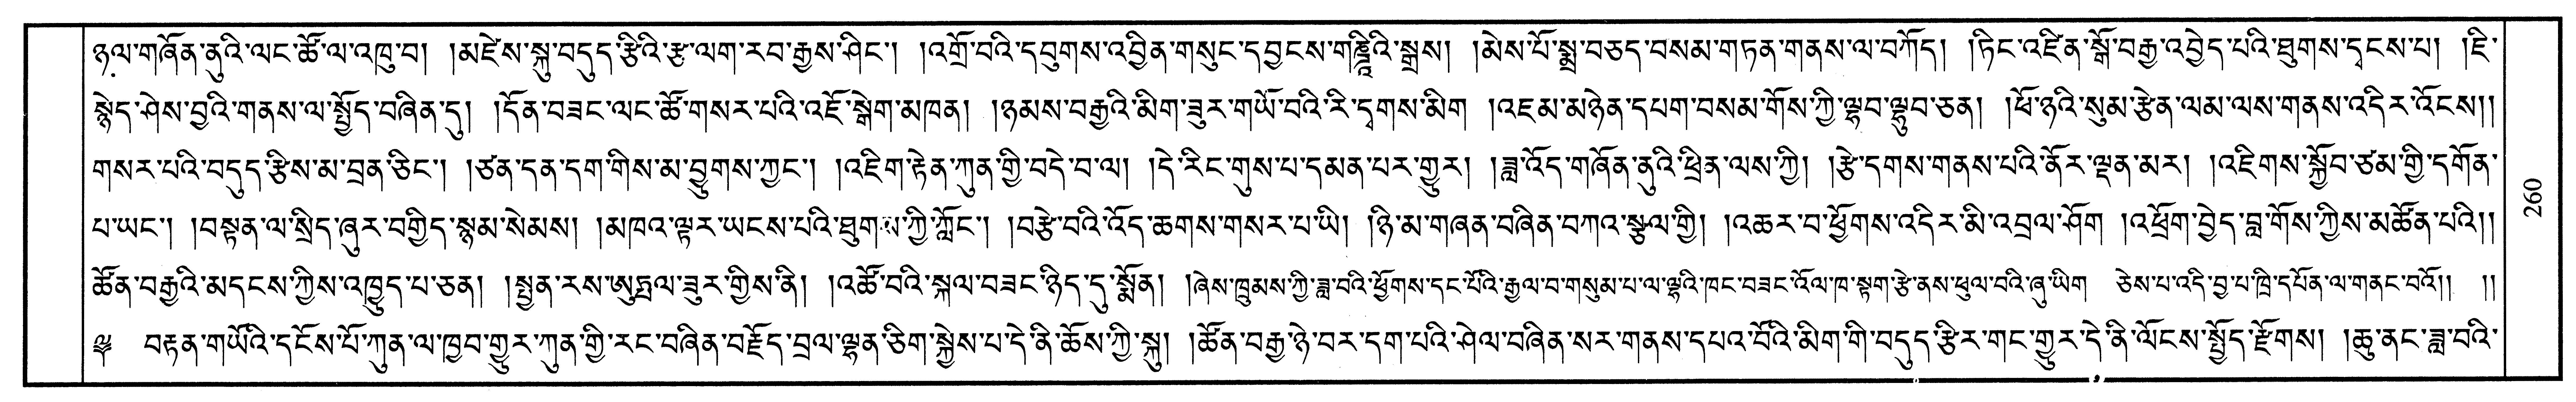ཉལ་གཞོན་ནུའི་ལང་ཚོ་ལ་འཁུ་བ། །མཛེས་སྐུ་བདུད་རྩིའི་རྩ་ལག་རབ་རྒྱས་ཤིང་། །འགྲོ་བའི་དབུགས་འབྱིན་གསུང་དབྱངས་གཎྜཱིའི་སྒྲས། །མེས་པོ་སྨྲ་བཅད་བསམ་གཏན་གནས་ལ་བཀོད། །ཏིང་འཛིན་སྒོ་བརྒྱ་འབྱེད་པའི་ཐུགས་དྭངས་པ། །ཇི་
སྙེད་ཤེས་བྱའི་གནས་ལ་སྤྱོད་བཞིན་དུ། །དོན་བཟང་ལང་ཚོ་གསར་པའི་འཇོ་སྒེག་མཁན། །ཉམས་བརྒྱའི་མིག་ཟུར་གཡོ་བའི་རི་དྭགས་མིག །འཇམ་གཉེན་དཔག་བསམ་གོས་ཀྱི་ལྷབ་ལྷུབ་ཅན། །ཕོ་ཉའི་སུམ་རྩེན་ལམ་ལས་གནས་འདིར་འོངས།།
གསར་པའི་བདུད་རྩིས་མ་བྲན་ཅིང་། །ཙན་དན་དག་གིས་མ་བྱུགས་ཀྱང་། །འཇིག་རྟེན་ཀུན་གྱི་བདེ་བ་ལ། །དེ་རིང་གུས་པ་དམན་པར་གྱུར། །ཟླ་འོད་གཞོན་ནུའི་ཕྲིན་ལས་ཀྱི། །རྩེ་དགས་གནས་པའི་ནོར་ལྡན་མར། །འཇིགས་སྐྱོབ་ཙམ་གྱི་དགོན་
པ་ཡང་། །བསྟན་ལ་སྲིད་ཞུར་བགྱིད་སྙམ་སེམས། །མཁའ་ལྟར་ཡངས་པའི་ཐུགས་ཀྱི་ཀློང་། །བརྩེ་བའི་འོད་ཆགས་གསར་པ་ཡི། །ཉི་མ་གཞན་བཞིན་བཀའ་སྩལ་གྱི། །འཆར་བ་ཕྱོགས་འདིར་མི་འབྲལ་ཤོག །འཕྲོག་བྱེད་བླ་གོས་ཀྱིས་མཚོན་པའི།།
ཚོན་བརྒྱའི་མདངས་ཀྱིས་འཁྱུད་པ་ཅན། །སྤྱན་རས་ཨུཏྤལ་ཟུར་གྱིས་ནི། །འཚོ་བའི་སྐལ་བཟང་ཉིད་དུ་སྨོན། །ཞེས་ཁྲུམས་ཀྱི་ཟླ་བའི་ཕྱོགས་དང་པོའི་རྒྱལ་བ་གསུམ་པ་ལ་ལྷའི་ཁང་བཟང་འོལ་ཁ་སྟག་རྩེ་ནས་ཕུལ་བའི་ཞུ་ཡིག་ཅེས་པ་འདི་བྱ་པ་ཁྲི་དཔོན་ལ་གནང་བའོ།། །།
༈ བརྟན་གཡོའི་དངོས་པོ་ཀུན་ལ་ཁྱབ་གྱུར་ཀུན་གྱི་རང་བཞིན་བརྗོད་བྲལ་ལྷན་ཅིག་སྐྱེས་པ་དེ་ནི་ཆོས་ཀྱི་སྐུ། །ཚོན་བརྒྱ་ཉེ་བར་དག་པའི་ཤེལ་བཞིན་སར་གནས་དཔའ་བོའི་མིག་གི་བདུད་རྩིར་གང་གྱུར་དེ་ནི་ལོངས་སྤྱོད་རྫོགས། །ཆུ་ནང་ཟླ་བའི་